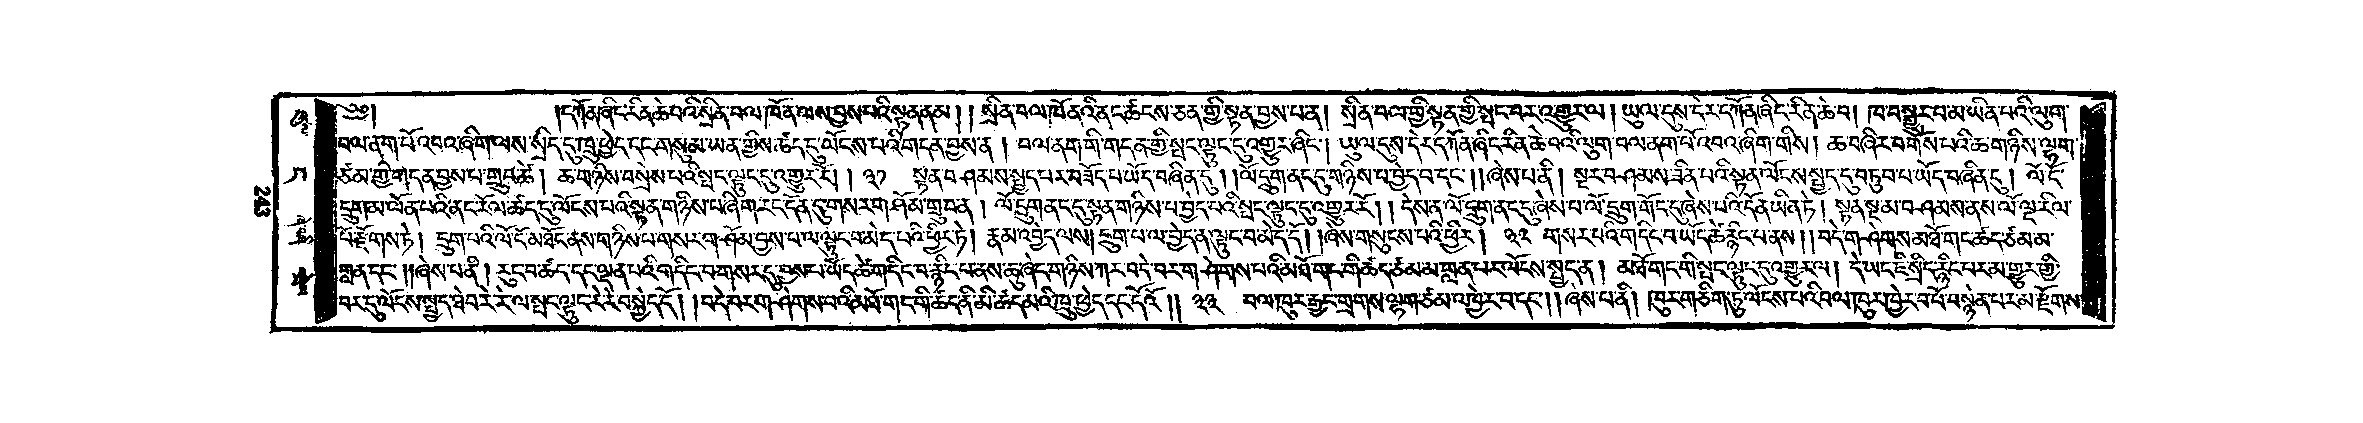༄༅། །དཀོན་ཞིང་རིན་ཆེ་བའི་སྲིན་བལ་ཁོ་ན་ལས་བྱས་པའི་སྟན་ནམ། །སྲིན་བལ་ཁོ་ནའི་ནང་ཚངས་ཅན་གྱི་སྟན་བྱས་པ་ན། སྲིན་བལ་གྱི་སྟན་གྱི་སྤང་བར་འགྱུར་ལ། ཡུལ་དུས་དེར་དཀོན་ཞིང་རིན་ཆེ་བ། ཁ་བསྒྱུར་བ་མ་ཡིན་པའི་ལུག་
བལ་ནག་པོ་འབའ་ཞིག་ལས་སྲིད་དུ་ཁྲུ་ཕྱེད་དང་གསུམ་ཡན་གྱིས་ཚད་དུ་ལོངས་པའི་གདན་བྱས་ན། བལ་ནག་གི་གདན་གྱི་སྤང་ལྟུང་དུ་འགྱུར་ཞིང་། ཡུལ་དུས་དེར་དཀོན་ཞིང་རིན་ཆེ་བའི་ལུག་བལ་ནག་པོ་འབའ་ཞིག་གིས། ཆ་བཞིར་བགོས་པའི་ཆ་གཉིས་ལྷག་
ཙམ་གྱི་གདན་བྱས་པ་གྲུབ་ཚེ། ཆ་གཉིས་བསྲེས་པའི་སྤང་ལྟུང་དུ་འགྱུར་རོ། །སྟན་བཤམས་སྤྱད་པར་བཟོད་པ་ཡོད་བཞིན་དུ། །ལོ་དྲུག་ནང་དུ་གཉིས་པ་བྱེད་པ་དང་། །ཞེས་པ་ནི། སྔར་བཤམས་ཟིན་པའི་སྟན་ལོངས་སྤྱད་དུ་བཏུབ་པ་ཡོད་བཞིན་དུ། ལོ་ངོ་
དྲུག་མ་ལོན་པའི་ནང་རོལ་ཚད་དུ་ལོངས་པའི་སྟན་གཉིས་པ་ཞིག་རང་དོན་དུ་གསར་གཤོམ་གྲུབ་ན། ལོ་དྲུག་ནང་དུ་སྟན་གཉིས་པ་བྱེད་པའི་སྤང་ལྟུང་དུ་འགྱུར་རོ། །དེས་ན་ལོ་དྲུག་ནང་དུ་ཞེས་པ་ལོ་དྲུག་གོང་དུ་ཞེས་པའི་དོན་ཡིན་ཏེ། སྟན་སྔ་མ་བཤམས་ནས་ལོ་ལྔ་རིལ་
པོ་རྫོགས་ཏེ། དྲུག་པའི་ལོ་ངོ་མཐོང་ནས་གཉིས་པ་གསར་གཤོམ་བྱས་པ་ལ་ལྟུང་བ་མེད་པའི་ཕྱིར་ཏེ། རྣམ་འབྱེད་ལས། དྲུག་པ་ལ་བྱེད་ན་ལྟུང་བ་མེད་དོ། །ཞེས་གསུངས་པའི་ཕྱིར། གསར་པའི་གདིང་བ་ཡོད་ཚེ་རྙིང་པ་ནས། །བདེ་གཤེགས་མཐོ་གང་ཚད་ཙམ་མ་
གླན་དང་། །ཞེས་པ་ནི། རུང་བ་ཚད་དང་ལྡན་པའི་གདིང་བ་གསར་དུ་བྱས་པ་ཡོད་ཚེ་གདིང་བ་རྙིང་པ་ནས་ཆུ་ཞེང་གཉིས་ཀར་བདེ་བར་གཤེགས་པའི་མཐོ་གང་གི་ཚད་ཙམ་མ་གླན་པར་ལོངས་སྤྱད་ན། མཐོ་གང་གི་སྤང་ལྟུང་དུ་འགྱུར་ལ། དེ་ཡང་ཇི་སྲིད་རྙིང་པར་མ་གྱུར་གྱི་
བར་དུ་ལོངས་སྤྱད་ཐེབ་རེ་རེ་ལ་སྤང་ལྟུང་རེ་རེ་བསྐྱེད་དོ། །བདེ་བར་གཤེགས་པའི་མཐོ་གང་གི་ཚད་ནི་མི་ཚད་མའི་ཁྲུ་ཕྱེད་དང་དོའོ། །བལ་ཁུར་རྒྱང་གྲགས་ལྷག་ཙམ་འཁྱེར་བ་དང་། །ཞེས་པ་ནི། ཁུར་གཅིག་ཏུ་ལོངས་པའི་བལ་ཁུར་ཁྱེར་བ་པོ་བསྙེན་པར་མ་རྫོགས་